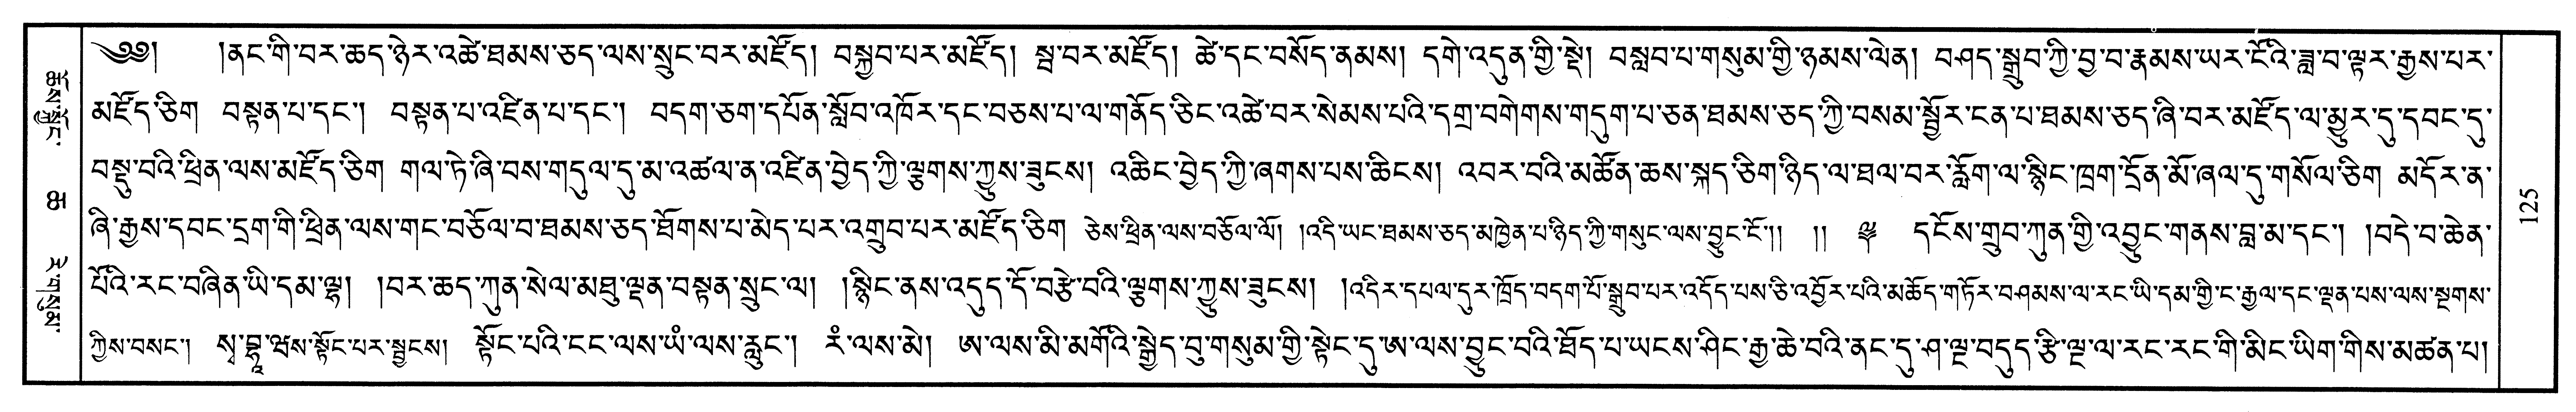༄༅། །ནང་གི་བར་ཆད་ཉེར་འཚེ་ཐམས་ཅད་ལས་སྲུང་བར་མཛོད། བསྐྱབ་པར་མཛོད། སྦ་བར་མཛོད། ཚེ་དང་བསོད་ནམས། དགེ་འདུན་གྱི་སྡེ། བསླབ་པ་གསུམ་གྱི་ཉམས་ལེན། བཤད་སྒྲུབ་ཀྱི་བྱ་བ་རྣམས་ཡར་ངོའི་ཟླ་བ་ལྟར་རྒྱས་པར་
མཛོད་ཅིག །བསྟན་པ་དང་། བསྟན་པ་འཛིན་པ་དང་། བདག་ཅག་དཔོན་སློབ་འཁོར་དང་བཅས་པ་ལ་གནོད་ཅིང་འཚེ་བར་སེམས་པའི་དགྲ་བགེགས་གདུག་པ་ཅན་ཐམས་ཅད་ཀྱི་བསམ་སྦྱོར་ངན་པ་ཐམས་ཅད་ཞི་བར་མཛོད་ལ་མྱུར་དུ་དབང་དུ་
བསྡུ་བའི་ཕྲིན་ལས་མཛོད་ཅིག་གལ་ཏེ་ཞི་བས་གདུལ་དུ་མ་འཚལ་ན་འཛིན་བྱེད་ཀྱི་ལྕགས་ཀྱུས་ཟུངས། འཆིང་བྱེད་ཀྱི་ཞགས་པས་ཆིངས། བར་བའི་མཚོན་ཆས་སྐད་ཅིག་ཉིད་ལ་ཐལ་བར་རློག་ལ་སྙིང་ཁྲག་དྲོན་མོ་ཞལ་དུ་གསོལ་ཅིག་མདོར་ན་
ཞི་རྒྱས་དབང་དྲག་གི་ཕྲིན་ལས་གང་བཅོལ་བ་ཐམས་ཅད་ཐོགས་པ་མེད་པར་འགྲུབ་པར་མཛོད་ཅིག །ཅེས་ཕྲིན་ལས་བཅོལ་ལོ། །འདི་ཡང་ཐམས་ཅད་མཁྱེན་པ་ཉིད་ཀྱི་གསུང་ལས་བྱུང་ངོ།། །། ༈ དངོས་གྲུབ་ཀུན་གྱི་འབྱུང་གནས་བླ་མ་དང་། །བདེ་བ་ཆེན་
པོའི་རང་བཞིན་ཡི་དམ་ལྷ། །བར་ཆད་ཀུན་སེལ་མཐུ་ལྡན་བསྟན་སྲུང་ལ། །སྙིང་ནས་འདུད་དོ་བརྩེ་བའི་ལྕགས་ཀྱུས་ཟུངས། །འདིར་དཔལ་དུར་ཁྲོད་བདག་པོ་སྒྲུབ་པར་འདོད་པས་ཅི་འབྱོར་པའི་མཆོད་གཏོར་བཤམས་ལ་རང་ཡི་དམ་གྱི་ང་རྒྱལ་དང་ལྡན་པས་ལས་སྔགས་
ཀྱིས་བསང་། སྭ་བྷཱ་ཝས་སྟོང་པར་སྦྱངས། སྟོང་པའི་ངང་ལས་ཡཾ་ལས་རླུང་། རཾ་ལས་མེ། ཨ་ལས་མི་མགོའི་སྒྱེད་བུ་གསུམ་གྱི་སྟེང་དུ་ཨ་ལས་བྱུང་བའི་ཐོད་པ་ཡངས་ཤིང་རྒྱ་ཆེ་བའི་ནང་དུ་ཤ་ལྔ་བདུད་རྩི་ལྔ་ལ་རང་རང་གི་མིང་ཡིག་གིས་མཚན་པ།